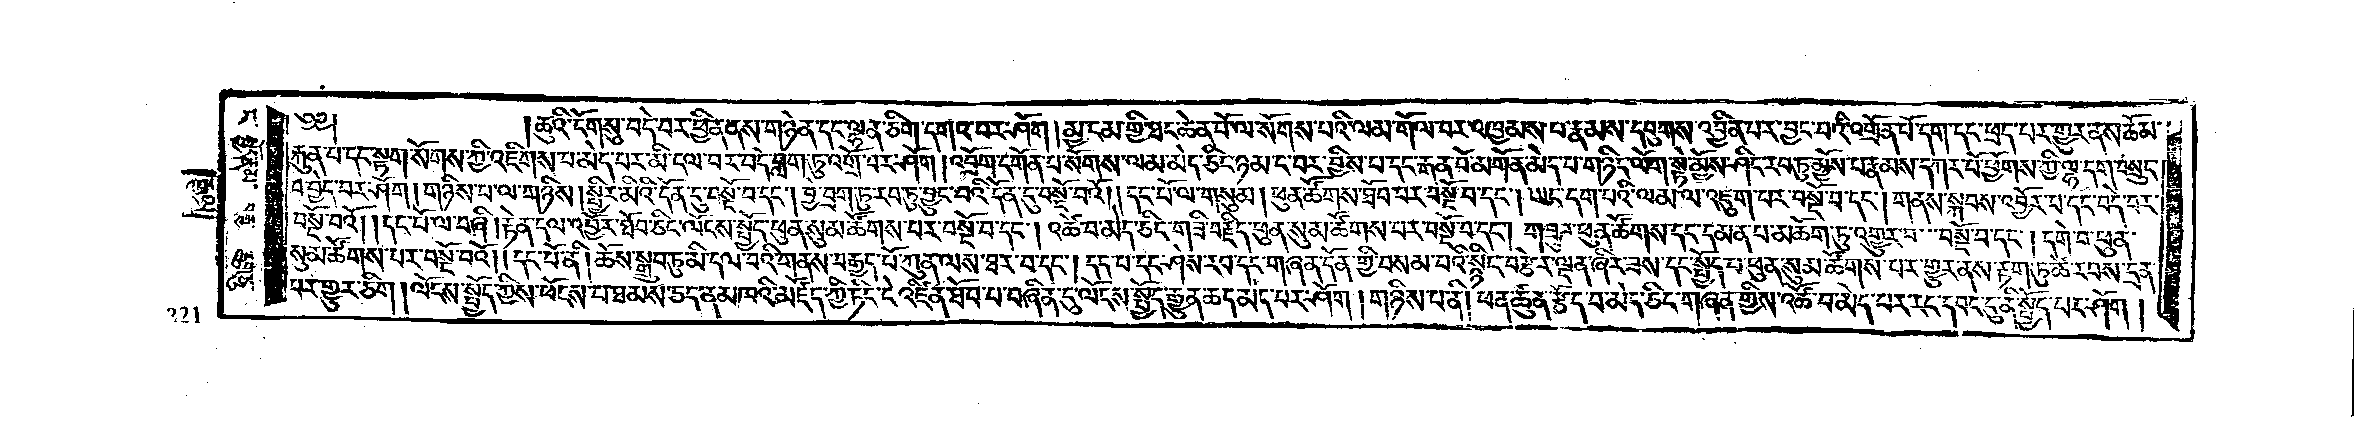༄༅། །ཆུའི་ངོགས?་སུ?་བདེ་བར་ཕྱིན་ནས་གཉེན་དང་ལྷན་ཅིག་དགའ་བར་ཤོག །མྱ་ངམ་གྱི་ཐང་ཆེན་པོ་ལ་སོགས་པའི་ལམ་གོལ་བར་འཁྱམས་པ་རྣམས་དབུགས་འབྱིན་པར་བྱང་བའི་འགྲོན་པོ་དག་དང་ཕྲད་པར་གྱུར་ན་ཆོམ་
རྐུན་པ་དང་ལྟག་སོགས་ཀྱི་འཇིགས་པ་མེད་པར་མི་ངལ་བར་བདེ་བླག་ཏུ་འགྲོ་བར་ཤོག །འབྲོག་དགོན་པ་སོགས་ལམ་མེད་ཅིང་ཉམ་ང་བར་བྱིས་པ་དང་རྒན་པོ་མགོན་མེད་པ་གཉིད་ལོག་སྟེ་མྱོས་ཤིང་རབ་ཏུ་མྱོས་པ་རྣམས་དཀར་པོ་ཕྱོགས་ཀྱི་ལྷ་དག་བསྲུང་
བ་བྱེད་པར་ཤོག །གཉིས་པ་ལ་གཉིས། སྤྱིར་མིའི་དོན་དུ་བསྔོ་བ་དང་། བྱེ་བྲག་ཏུ་རབ་ཏུ་བྱུང་བའི་དོན་དུ་བསྔོ་བའོ། །དང་པོ་ལ་གསུམ། ཕུན་ཚོགས་ཐོབ་པར་བསྔོ་བ་དང་། ཡང་དག་པའི་ལམ་ལ་འཇུག་པར་བསྔོ་བ་དང་། གནས་སྐབས་འབྱོར་བ་དང་བདེ་བར་
བསྔོ་བའོ། །དང་པོ་ལ་བཞི། རྟེན་དལ་འབྱོར་ཐོབ་ཅིང་ལོངས་སྤྱོད་ཕུན་སུམ་ཚོགས་པར་བསྔོ་བ་དང་། འཚེ་བ་མེད་ཅིང་གཟི་བརྗིད་ཕུན་སུམ་ཚོགས་པར་བསྔོ་བ་དང་། གཟུགས་ཕུན་ཚོགས་དང་དམན་པ་མཆོག་ཏུ་འགྱུར་བ་བསྔོ་བ་དང་། དགེ་བ་ཕུན་
སུམ་ཚོགས་པར་བསྔོ་བའོ། །དང་པོ་ནི། ཆོས་སྒྲུབ་ཏུ་མི་དལ་བའི་གནས་བརྒྱད་པོ་ཀུན་ལས་ཐར་པ་དང་། དད་པ་དང་ཤེས་རབ་དང་གཞན་དོན་གྱི་བསམ་པའི་སྙིང་བརྩེར་ལྡན་ཞིང་ཟས་དང་སྤྱོད་པ་ཕུན་སུམ་ཚོགས་པར་གྱུར་ནས་རྟག་ཏུ་ཚེ་རབས་དྲན་
པར་གྱུར་ཅིག །ལོངས་སྤྱོད་ཀྱིས་ཕོངས་པ་ཐམས་ཅད་ནམ་མཁའི་མཛོད་ཀྱི་ཏིང་ངེ་འཛིན་ཐོབ་པ་བཞིན་དུ་ལོངས་སྤྱོད་རྒྱུན་ཆད་མེད་པར་ཤོག །གཉིས་པ་ནི། ཕན་ཚུན་རྩོད་པ་མེད་ཅིང་གཞན་གྱིས་འཚོ་བ་མེད་པར་རང་དབང་དུ་ནི་སྤྱོད་པར་ཤོག །